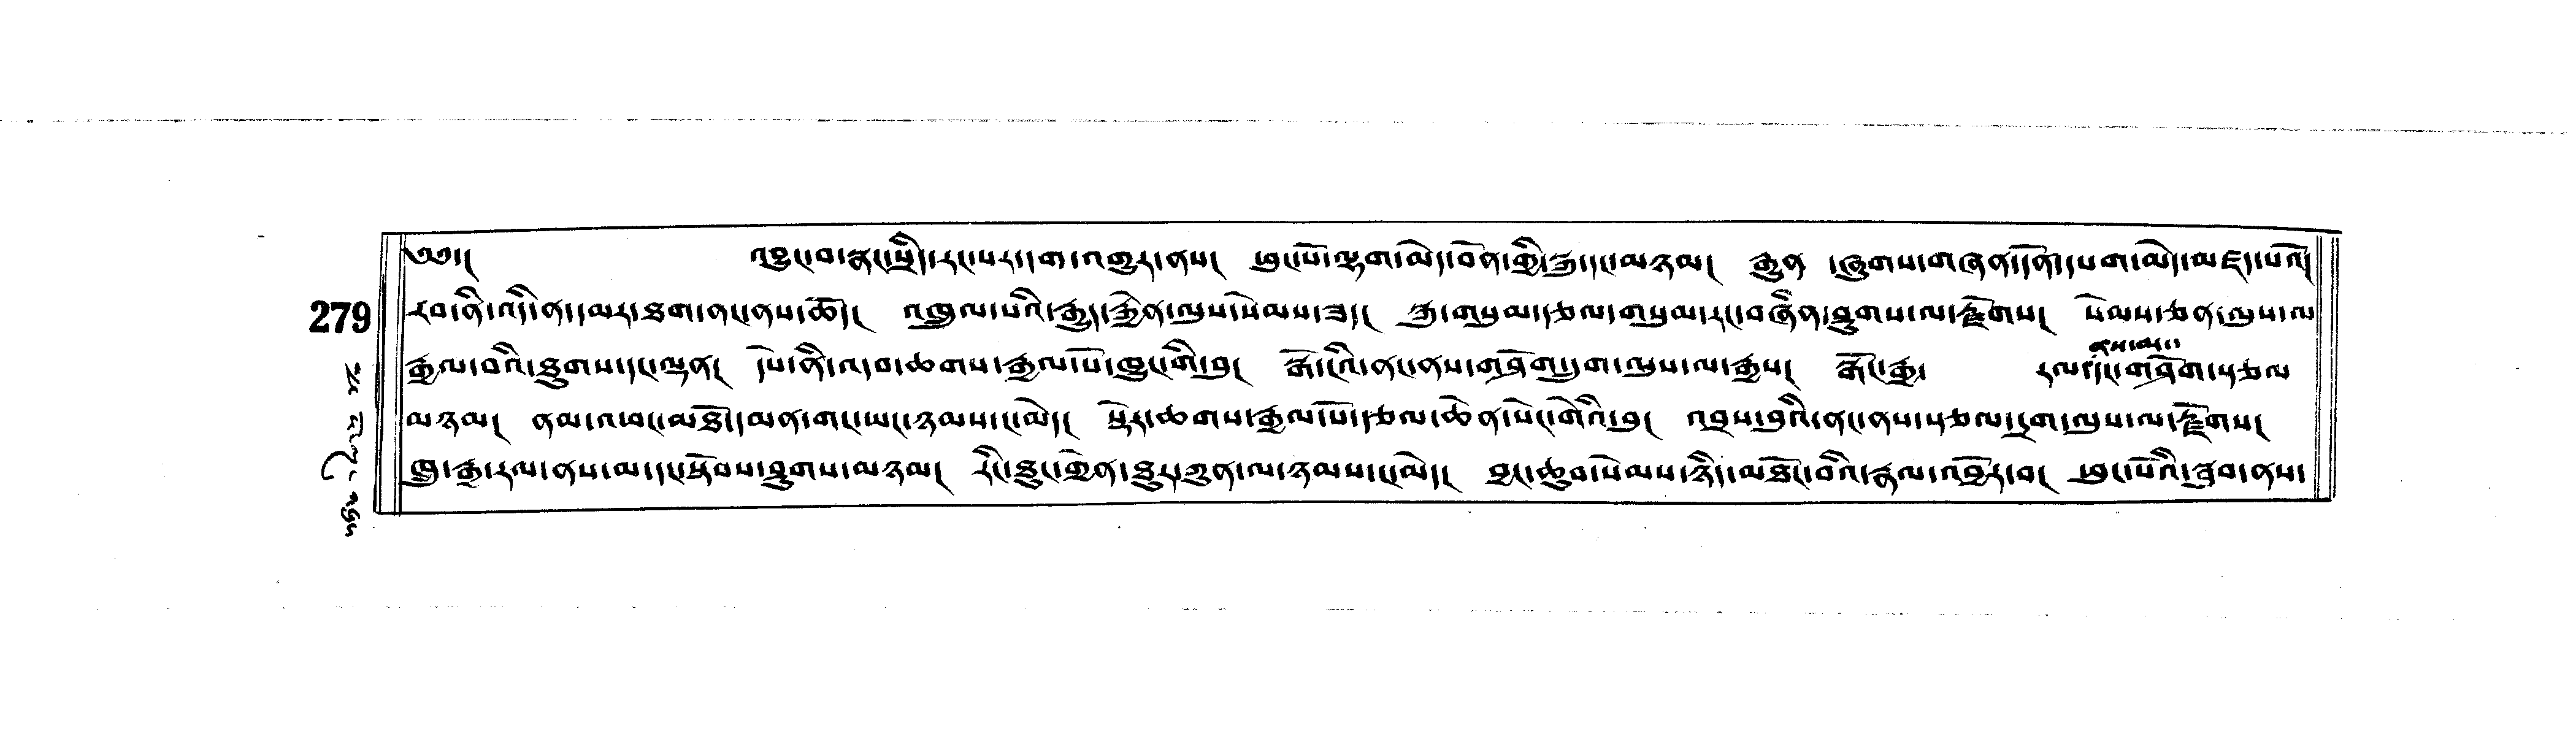འབྱུང་བ་སྣང་སྲིད་རང་སར་དག་འགྱུར་ནས། ཕུང་པོ་ལྷག་མེད་བོན་གྱི་སྐུ་དང་མཉམ། རྒྱུན་ཞུགས་གཞན་དོན་དཔག་མེད་མཛད་པའོ། 
རབ་ནི་འདི་ན་དམར་ཐག་ནང་ནས་ཆོད། འཁྲུལ་པའི་རྒྱུད་རྐྱེན་ལུས་སེམས་ཟད། སྐུ་གསུམ་རྩལ་གསུམ་རང་བཞིན་ཤུགས་ལ་རྫོགས། སེམས་ཅན་ལུས་ལ་
རྒྱལ་བའི་ཐུགས་དང་ལྡན། དེས་ནི་འདབ་ཆགས་རྒྱལ་པོ་ཁྱུང་གི་བུ། སྒོ་ངའི་ནང་ནས་གཤོག་དྲུག་ལུས་ལ་རྒྱས། སྒོང་རྒྱ་རལ་ནས་མ་དང་གཤོག་རྩལ་
མཉམ། ནམ་འཕང་མཐོ་དམན་གང་ཡང་ཉམས་ང་མེད། སྡེར་ཆགས་རྒྱལ་པོ་རྩལ་ཆེན་སེང་གེའི་བུ། འབྲས་བུའི་ནང་ནས་རྩལ་དྲག་ལུས་ལ་རྫོགས། 
ཁྲུ་རྒྱ་རལ་ནས་མ་དང་སྟོབས་ཤུགས་མཉམ། རིང་ཐུང་གྱེན་ཐུར་ཀུན་ལ་ཉམས་ང་མེད། བྱང་ཆུབ་སེམས་ཉིད་མཐོང་བའི་རྣལ་འབྱོར་བ། ཕུང་པོའི་སྦུབས་ནས་